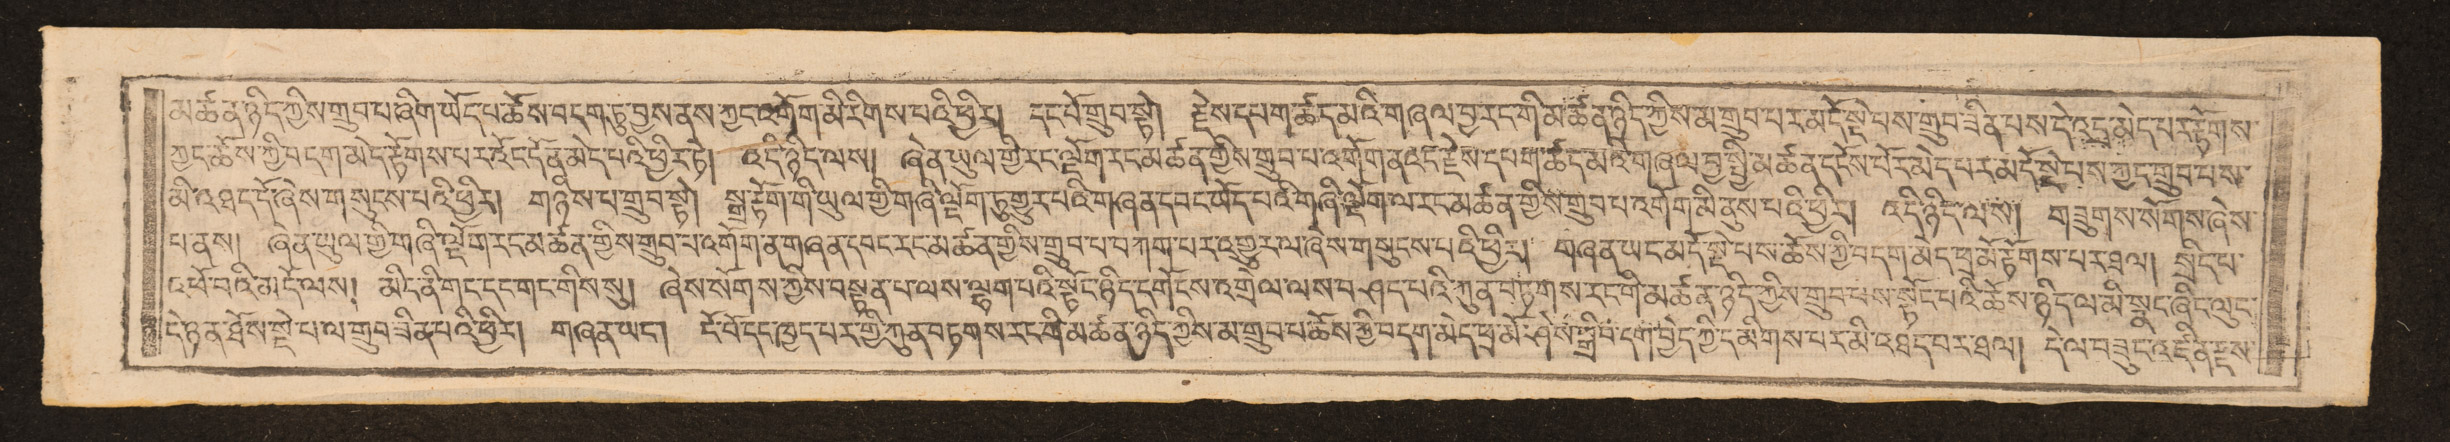མཚན་ཉིད་ཀྱིས་གྲུབ་པ་ཞིག་ཡོད་པ་ཆོས་བདག་ཏུ་བྱས་ནས་ཀྱང་འགོག་མི་རིགས་པའི་ཕྱིར། དང་པོ་གྲུབ་སྟེ། རྗེས་དཔག་ཚད་མའི་གཞལ་བྱ་རང་གི་མཚན་ཉིད་ཀྱིས་མ་གྲུབ་པར་མདོ་སྡེ་པས་གྲུབ་ཟིན་པས་དེ་འདྲ་མེད་པར་རྟོགས་
ཀྱང་ཆོས་ཀྱི་བདག་མེད་རྟོགས་པར་འོད་དོན་མེད་པའི་ཕྱིར་ཏེ། འདི་ཉིད་ལས། ཞེན་ཡུལ་གྱི་རང་ལྡོག་རང་མཚན་གྱིས་གྲུབ་པ་འགོག་ནའང་རྗེས་དཔག་ཚད་མའི་གཞལ་བྱ་སྤྱི་མཚན་དངོས་པོར་མེད་པར་མདོ་སྡེ་བས་ཀྱང་གྲུབ་པས་
མི་འཐད་དོ་ཞེས་གསུངས་པའི་ཕྱིར། གཉིས་པ་གྲུབ་སྟེ། སྒྲ་རྟོག་གི་ཡུལ་གྱི་གཞི་ལྡོག་ཏུ་གྱུར་པའི་གཞན་དབང་ཡོད་པའི་གཞི་ལྡོག་ལ་རང་མཚན་གྱིས་གྲུབ་པ་འགོག་མི་ནུས་པའི་ཕྱིར། འདི་ཉིད་ལས། གཟུགས་སོགས་ཞེས་
པ་ནས། ཞེན་ཡུལ་གྱི་གཞི་ལྡོག་རང་མཚན་གྱིས་གྲུབ་པ་འགོག་ན་གཞན་དབང་རང་མཚན་གྱིས་གྲུབ་པ་བཀག་པར་འགྱུར་ལ་ཞེས་གསུངས་པའི་ཕྱིར། གཞན་ཡང་མདོ་སྡེ་པས་ཆོས་ཀྱི་བདག་མེད་ཕྲ་མོ་རྟོགས་པར་ཐལ། སྲིད་པ་
འཕོ་བའི་མདོ་ལས། མིང་ནི་གང་དང་གང་གིས་སུ། ཞེས་སོགས་ཀྱིས་བསྟན་བ་ལས་ལྷག་བའི་སྟོང་ཉིད་དགོངས་འགྲེལ་ལས་བཤད་པའི་ཀུན་བཏགས་རང་གི་མཚན་ཉིད་ཀྱིས་གྲུབ་པས་སྟོང་པའི་ཆོས་ཉིད་ལ་མི་སྣང་ཞིང་ལུང་
དེ་ཉན་ཐོས་སྡེ་པ་ལ་གྲུབ་ཟིན་པའི་ཕྱིར། གཞན་ཡང་། ངོ་བོ་དང་ཁྱད་བར་གྱི་ཀུན་བཏགས་རང་གི་མཚན་ཉིད་ཀྱིས་མ་གྲུབ་པ་ཆོས་ཀྱི་བདག་མེད་ཕྲ་མོ་ཤེས་སྒྲིབ་དག་བྱེད་ཀྱི་དམིགས་པར་མི་འཐད་པར་ཐལ། དེ་ལ་བཟུང་འཛིན་རྫས་